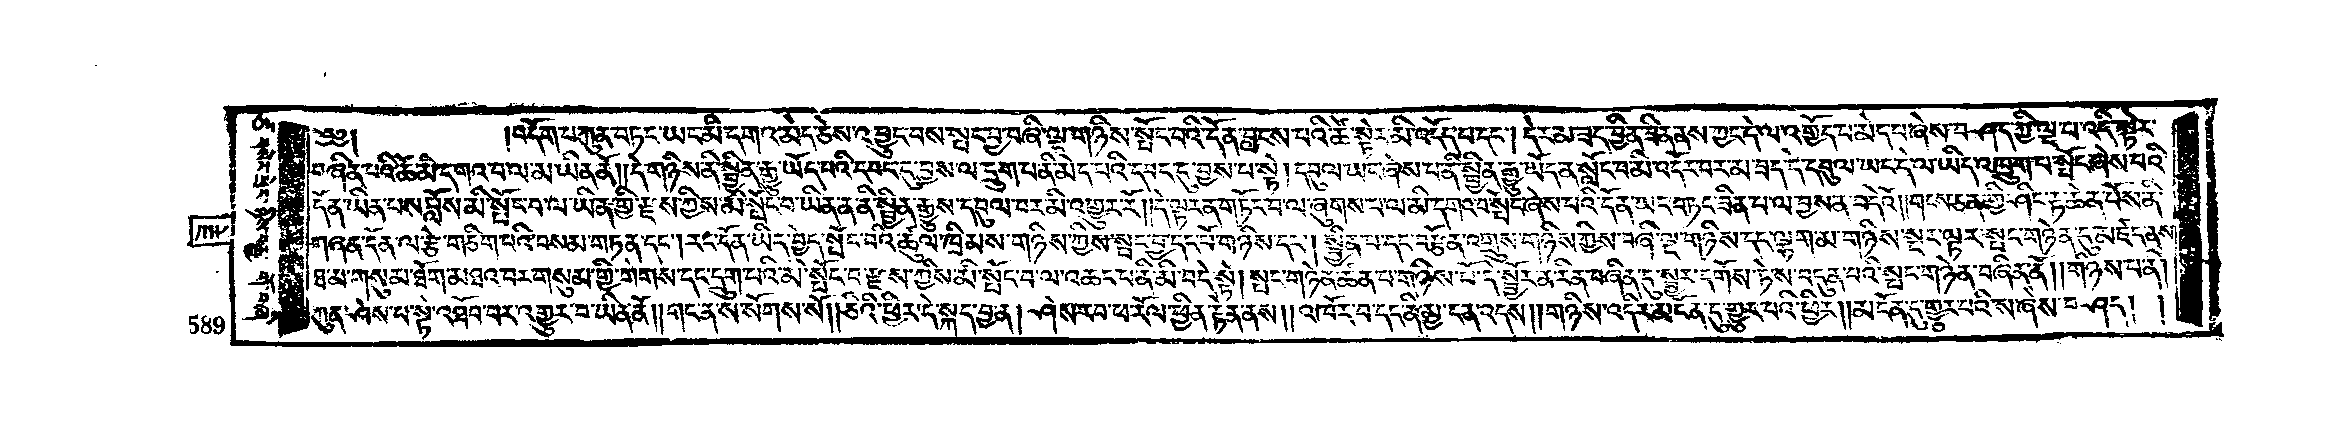༄༅། །བདོག་པ་ཀུན་བཏང་ཡང་མི་དགའ་མེད་ཅེས་འབྱུང་བས་སྤང་བྱ་བཞི་ལྔ་གཉིས་སྤོང་བའི་དོན་བླངས་པའི་ཚེ་སྟེར་མི་འདོད་པ་དང་། དེར་མ་ཟད་བྱིན་ཟིན་ནས་ཀྱང་དེ་ལ་འགྱོད་པ་མེད་པ་ཞེས་བཤད་ཀྱི་ལྔ་པ་འདི་སྟེར་
བཞིན་པའི་ཚེ་མི་དགའ་བ་ལ་མ་ཡིན་ནོ། །དེ་གཉིས་ནི་སྦྱིན་རྒྱུ་ཡོད་པའི་དབང་དུ་བྱས་ལ་དྲུག་པ་ནི་མེད་པའི་དབང་དུ་བྱས་པ་སྟེ། དབུལ་ཡང་ཞེས་པ་ནི་སྦྱིན་རྒྱུ་ཡོད་ན་སློང་བ་མི་འདོར་བར་མ་ཟད་དེ་དབུལ་ཡང་དེ་ལ་ཡིད་འཁྲུག་པ་སྤོང་ཞེས་པའི་
དོན་ཡིན་པས་བློས་མི་སྤོང་བ་ལ་ཡིན་གྱི་རྫས་ཀྱིས་མི་སྤོང་བ་ཡིན་ན་ནི་སྦྱིན་རྒྱུས་དབུལ་བར་མི་འགྱུར་རོ། །དེ་ལྟར་ན་གཏོང་བ་ལ་ཞུགས་པ་ལ་མི་དགའ་བ་སྤོང་ཞེས་པའི་དོན་ཡང་བཏང་ཟིན་པ་ལ་བྱས་ན་བདེའོ། །གངས་ཅན་གྱི་ཤིང་རྟ་ཆེན་པོས་ནི་
གཞན་དོན་ལ་རྩེ་གཅིག་པའི་བསམ་གཏན་དང་། རང་དོན་ཡིད་བྱེད་སྤོང་བའི་ཚུལ་ཁྲིམས་གཉིས་ཀྱིས་སྤང་བྱ་དང་པོ་གཉིས་དང་། སྦྱིན་པ་དང་བརྩོན་འགྲུས་གཉིས་ཀྱིས་བཞི་ལྔ་གཉིས་དང་ལྷག་མ་གཉིས་སྔར་ལྟར་སྤང་གཉེན་དུ་མཛད་ནས་
ཐ་མ་གསུམ་ཐོག་མཐའ་བར་གསུམ་གྱི་གེགས་དང་དྲུག་པའི་མི་སྤོང་བ་རྫས་ཀྱིས་མི་སྤོང་བ་ལ་འཆད་པ་ནི་མི་བདེ་སྟེ། སྤང་གཉེན་ཚན་པ་གཉིས་པོ་དེ་སྦྱོར་ན་རིན་བཞིན་དུ་སྦྱར་དགོས་ཏེ་ས་བདུན་པའི་སྤང་གཉེན་བཞིན་ནོ། །གཉིས་པ་ནི།
ཀུན་ཤེས་པ་སྟེ་འཐོབ་པར་འགྱུར་བ་ཡིན་ནོ། །གང་ན་ས་སོགས་སོ། །ཅིའི་ཕྱིར་དེ་སྐད་བྱ་ན། ཤེས་རབ་ཕ་རོལ་ཕྱིན་རྟེན་ནས། །འཁོར་བ་དང་ནི་མྱ་ངན་འདས། །གཉིས་འདིར་མངོན་དུ་གྱུར་པའི་ཕྱིར། །མངོན་དུ་གྱུར་པའི་ས་ཞེས་བཤད། །